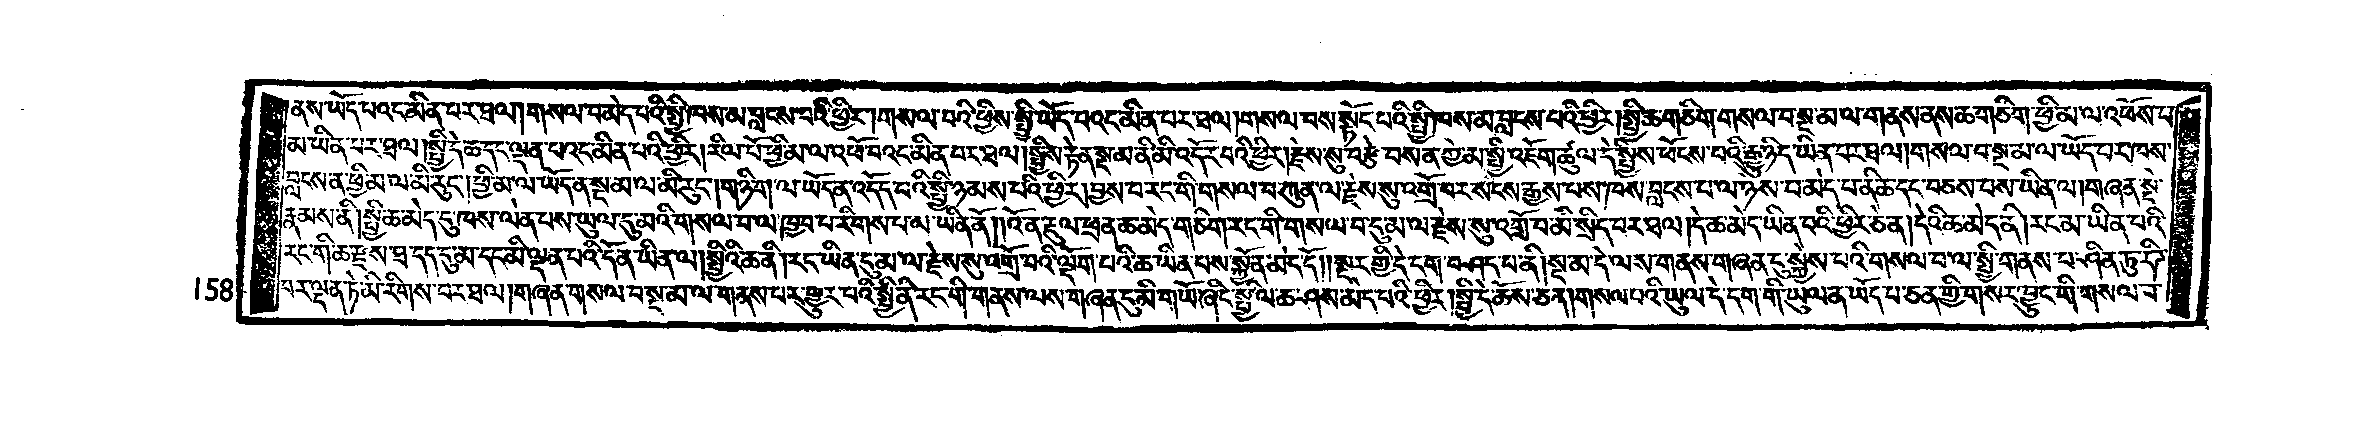ནས་ཡོད་པའང་མིན་པར་ཐལ། གསལ་བ་མེད་པའི་སྤྱི་ཁས་མ་བླངས་པའི་ཕྱིར། གསལ་བའི་ཕྱིས་སྤྱི་ཡོད་པའང་མིན་པར་ཐལ། གསལ་བས་སྟོང་པའི་སྤྱི་ཁས་མ་བླངས་པའི་ཕྱིར། སྤྱི་ཆ་གཅིག་གསལ་བ་སྔ་མ་ལ་གནས་ནས་ཆ་གཅིག་ཕྱི་མ་ལ་འཕོས་པ་
མ་ཡིན་པར་ཐལ། སྤྱི་དེ་ཆ་དང་ལྡན་པའང་མིན་པའི་ཕྱིར། རིལ་པོ་ཕྱི་མ་ལ་འཕོ་བའང་མིན་པར་ཐལ། སྤྱིས་རྟེན་སྔ་མ་ནི་མི་འདོར་བའི་ཕྱིར། རྗེས་སུ་བརྩེ་བས་ན་ཀྱེ་མ་སྤྱི་འཇོག་ཚུལ་དེ་སྤྱིས་ཕྱིས་ཕོངས་པའི་རྒྱུ་ཉིད་ཡིན་པར་ཐལ། གསལ་བ་སྔ་མ་ལ་ཡོད་པར་ཁས་
བླངས་ན་ཕྱི་མ་ལ་མི་རུང་། ཕྱི་མ་ལ་ཡོད་ན་སྔ་མ་ལ་མི་རུང་། གཉི་ག་ལ་ཡོད་ན་འདོད་པའི་སྤྱི་ཉམས་པའི་ཕྱིར། བྱས་པ་རང་གི་གསལ་བ་ཀུན་ལ་རྗེས་སུ་འགྲོ་བར་སངས་རྒྱས་པས་ཁས་བླངས་པ་ལ་ཉེས་པ་མེད་པ་ནི་ཆ་དང་བཅས་པས་ཡིན་ལ། གཞན་སྡེ་
རྣམས་ནི། སྤྱི་ཆ་མེད་དུ་ཁས་ལེན་པས་ཡུལ་དུ་མའི་གསལ་བ་ལ་ཁྱབ་པ་རིགས་པ་མ་ཡིན་ནོ། །འོ་ན་རྡུལ་ཕྲན་ཆ་མེད་གཅིག་རང་གི་གསལ་བ་དུ་མ་ལ་རྗེས་སུ་འགྲོ་བ་མི་སྲིད་པར་ཐལ། དེ་ཆ་མེད་ཡིན་པའི་ཕྱིར་ཅེ་ན། དེའི་ཆ་མེད་ནི། རང་མ་ཡིན་པའི་
རང་གི་ཆ་རྫས་ཐ་དད་དུ་མ་དང་མི་ལྡན་པའི་དོན་ཡིན་ལ། སྤྱིའི་ཆ་ནི། རང་ཡིན་དུ་མ་ལ་རྗེས་སུ་འགྲོ་བའི་ལྡོག་པའི་ཆ་ཡིན་པས་སྐྱོན་མེད་དོ། །སྔར་གྱི་དེ་དག་བཤད་པ་ནི། སྔ་མ་དེ་ལས་གནས་གཞན་དུ་སྐྱེས་པའི་གསལ་བ་ལ་སྤྱི་གནས་པ་ཤིན་ཏུ་རིཌ་
པར་ལྡན་ཏེ་མི་རིགས་པར་ཐལ། གཞན་གསལ་བ་སྔ་མ་ལ་གནས་པར་གྱུར་པའི་སྤྱི་ནི་རང་གི་གནས་ལས་གཞན་དུ་མི་གཡོ་ཞིང་སྤྱི་ལ་ཆ་ཤས་མེད་པའི་ཕྱིར། སྤྱི་དེ་ཆོས་ཅན། གསལ་པའི་ཡུལ་དེ་དག་གི་ཡུལ་ན་ཡོད་པ་ཅན་གྱི་གསར་བྱུང་གི་གསལ་བ་